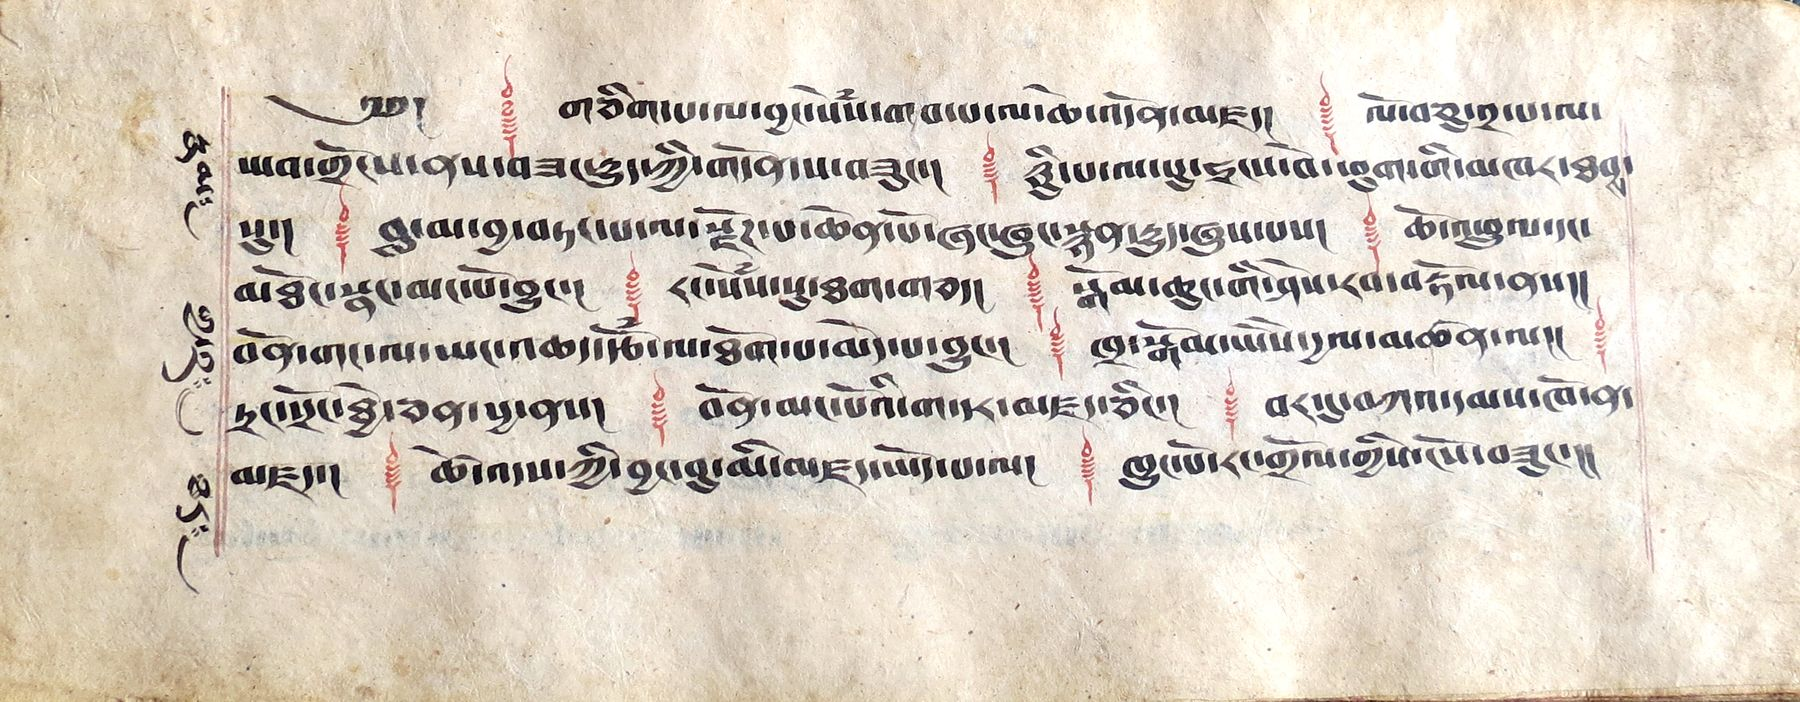གཅིག་པ་ལ་བྱང་སེམས་གབ་པ་ལ་ཆེ་འདོན་མཛད། ལོ་བཅུ་གཉིས་པ་ལ་
ཡབ་གྲོངས་ནས་བཟང་རྒྱུད་ཀྱི་གདན་ས་བཟུང་། ཉི་ཤུ་པ་ལ་པུ་ཧྲང་བྱེ་ཕུག་གི་མཁར་ཐབས་
སུ། བླ་མ་བྱ་བཏང་པ་ལ་རྫོགས་པ་ཆེན་པོ་ཞང་ཞུང་སྙན་རྒྱུད་ཞུས། ཆོ་འཕྲུལ་དང་
མཐོང་སྣང་མང་པོ་བྱུང་། རང་སེམས་སུ་ཐག་བཅད། སྒོམ་འབྱུང་གི་ཤེས་རབ་བརྡོལ་ནས། 
བོན་གང་ལ་ཡང་འཆད་རྩོམ་ལ་ཐོགས་པ་མེད་པར་བྱུང་། ཁྲ་སྒོམ་ཡེ་ཤེས་རྒྱལ་མཚན་ལ་
དྲང་སྲོང་ཐུགས་རྗེ་ཅན་དུ་བྱས་ནས། བོན་མང་པོའི་ག་དར་མཛད་ཅིང་། བར་དུ་བཀའ་དམ་ཁོ་ན་
མཛད། ཚེ་འདས་ཀྱི་བྱང་བུ་མི་མཛད་ཡོད་པ་ལ། ཁྱུང་པོ་རང་གྲོལ་གྱིས་ངོས་བཟུང་།